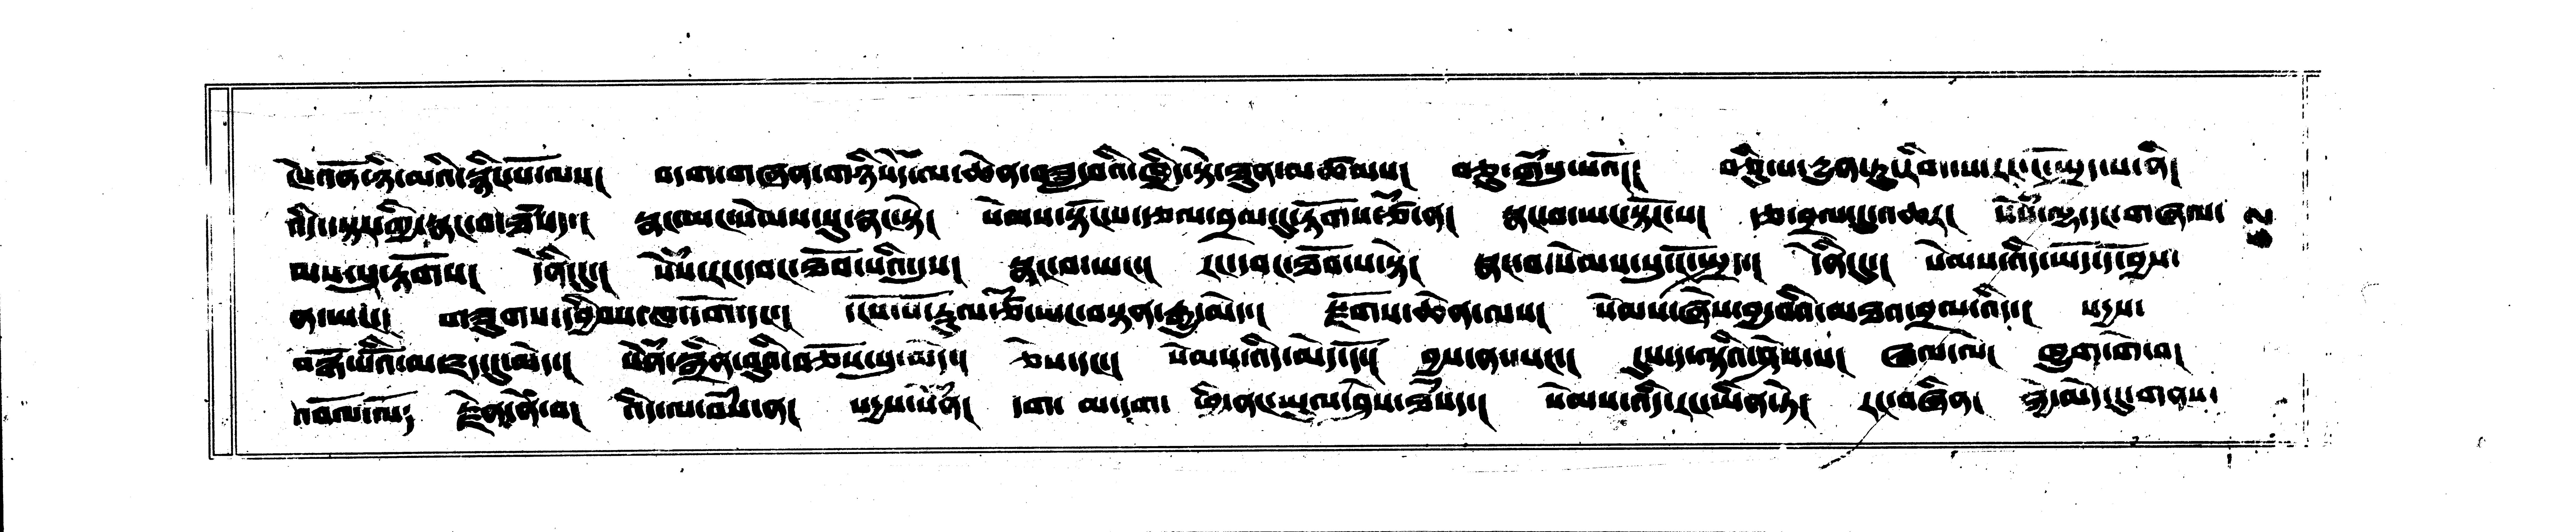ངེས་དོན་ཉི་མའི་སྙིང་པོ་ལས། བདག་གཞན་གཉིས་མེད་ལ་ཆེན་བཟླ་བའི་ཁྲིད་སྟེ་ཐུན་མཚམས་བཅུ་གསུམ་པའོ། །བཅུ་བཞི་པ་ཀུན་ཏུ་རིག་པ་རང་ངོ་སྤྲོད་པ་ནི། 
འདི་ལྟར་གྱི་སྣང་བ་ཐམས་ཅད། སྣང་ཡང་སེམས་སུ་སྣང་སྟེ། སེམས་སྟོང་པ་རྩ་བྲལ་དུ་རྟོགས་ཙམ་ན། སྣང་བ་ཡང་སྟོང་པ་རྩ་བྲལ་དུ་འཆར། སེམས་དང་ལྷ་དང་གཞལ་
ཡས་སུ་རྟོགས། དེ་བཞིན་དུ་སེམས་རང་དབང་ཐོབ་པའི་དུས་སུ། སྣང་བ་ཡང་རང་དབང་ཐོབ་པ་སྟེ། སྣང་བ་སེམས་སུ་ངོ་སྤྲད། དེ་བཞིན་དུ་སེམས་འདི་ཡོད་དོ་བྱས་
ན་ཡང་གཟུགས་དབྱིབས་ཁ་དོག་དང་། དངོས་པོ་རྡུལ་ཙམ་ཡང་བསྟན་རྒྱུ་མེད། རྫོགས་ཆེན་ལས། སེམས་ཞེས་བྱ་བའི་མཐའ་བྲལ་འདི། སངས་རྒྱས་
སྒམ་པོས་མཛད་དུ་མེད། སེམས་ཅན་སྒྲིན་བུས་བཅོས་སུ་མེད། ཅེས་དང་། སེམས་འདི་མེད་དོ་བྱས་ན་ཡང་། དུས་ད་ལྟའི་ཤེས་པ་ཝལ་ལེ་ཁྱུག་གེ་བ་
འབོལ་ལེ་རྗེན་ནེ་བ་འདི་ལ་བསམས་ན། སངས་རྒྱས་སེམས་ཅན་དག་མ་དག་ཕྱི་ནང་ཡུལ་ཤེས་ཐམས་ཅད་སེམས་འདི་རང་ཡིན་ཏེ། རང་བཞིན་སྐྱེ་མེད་དུ་གནས་